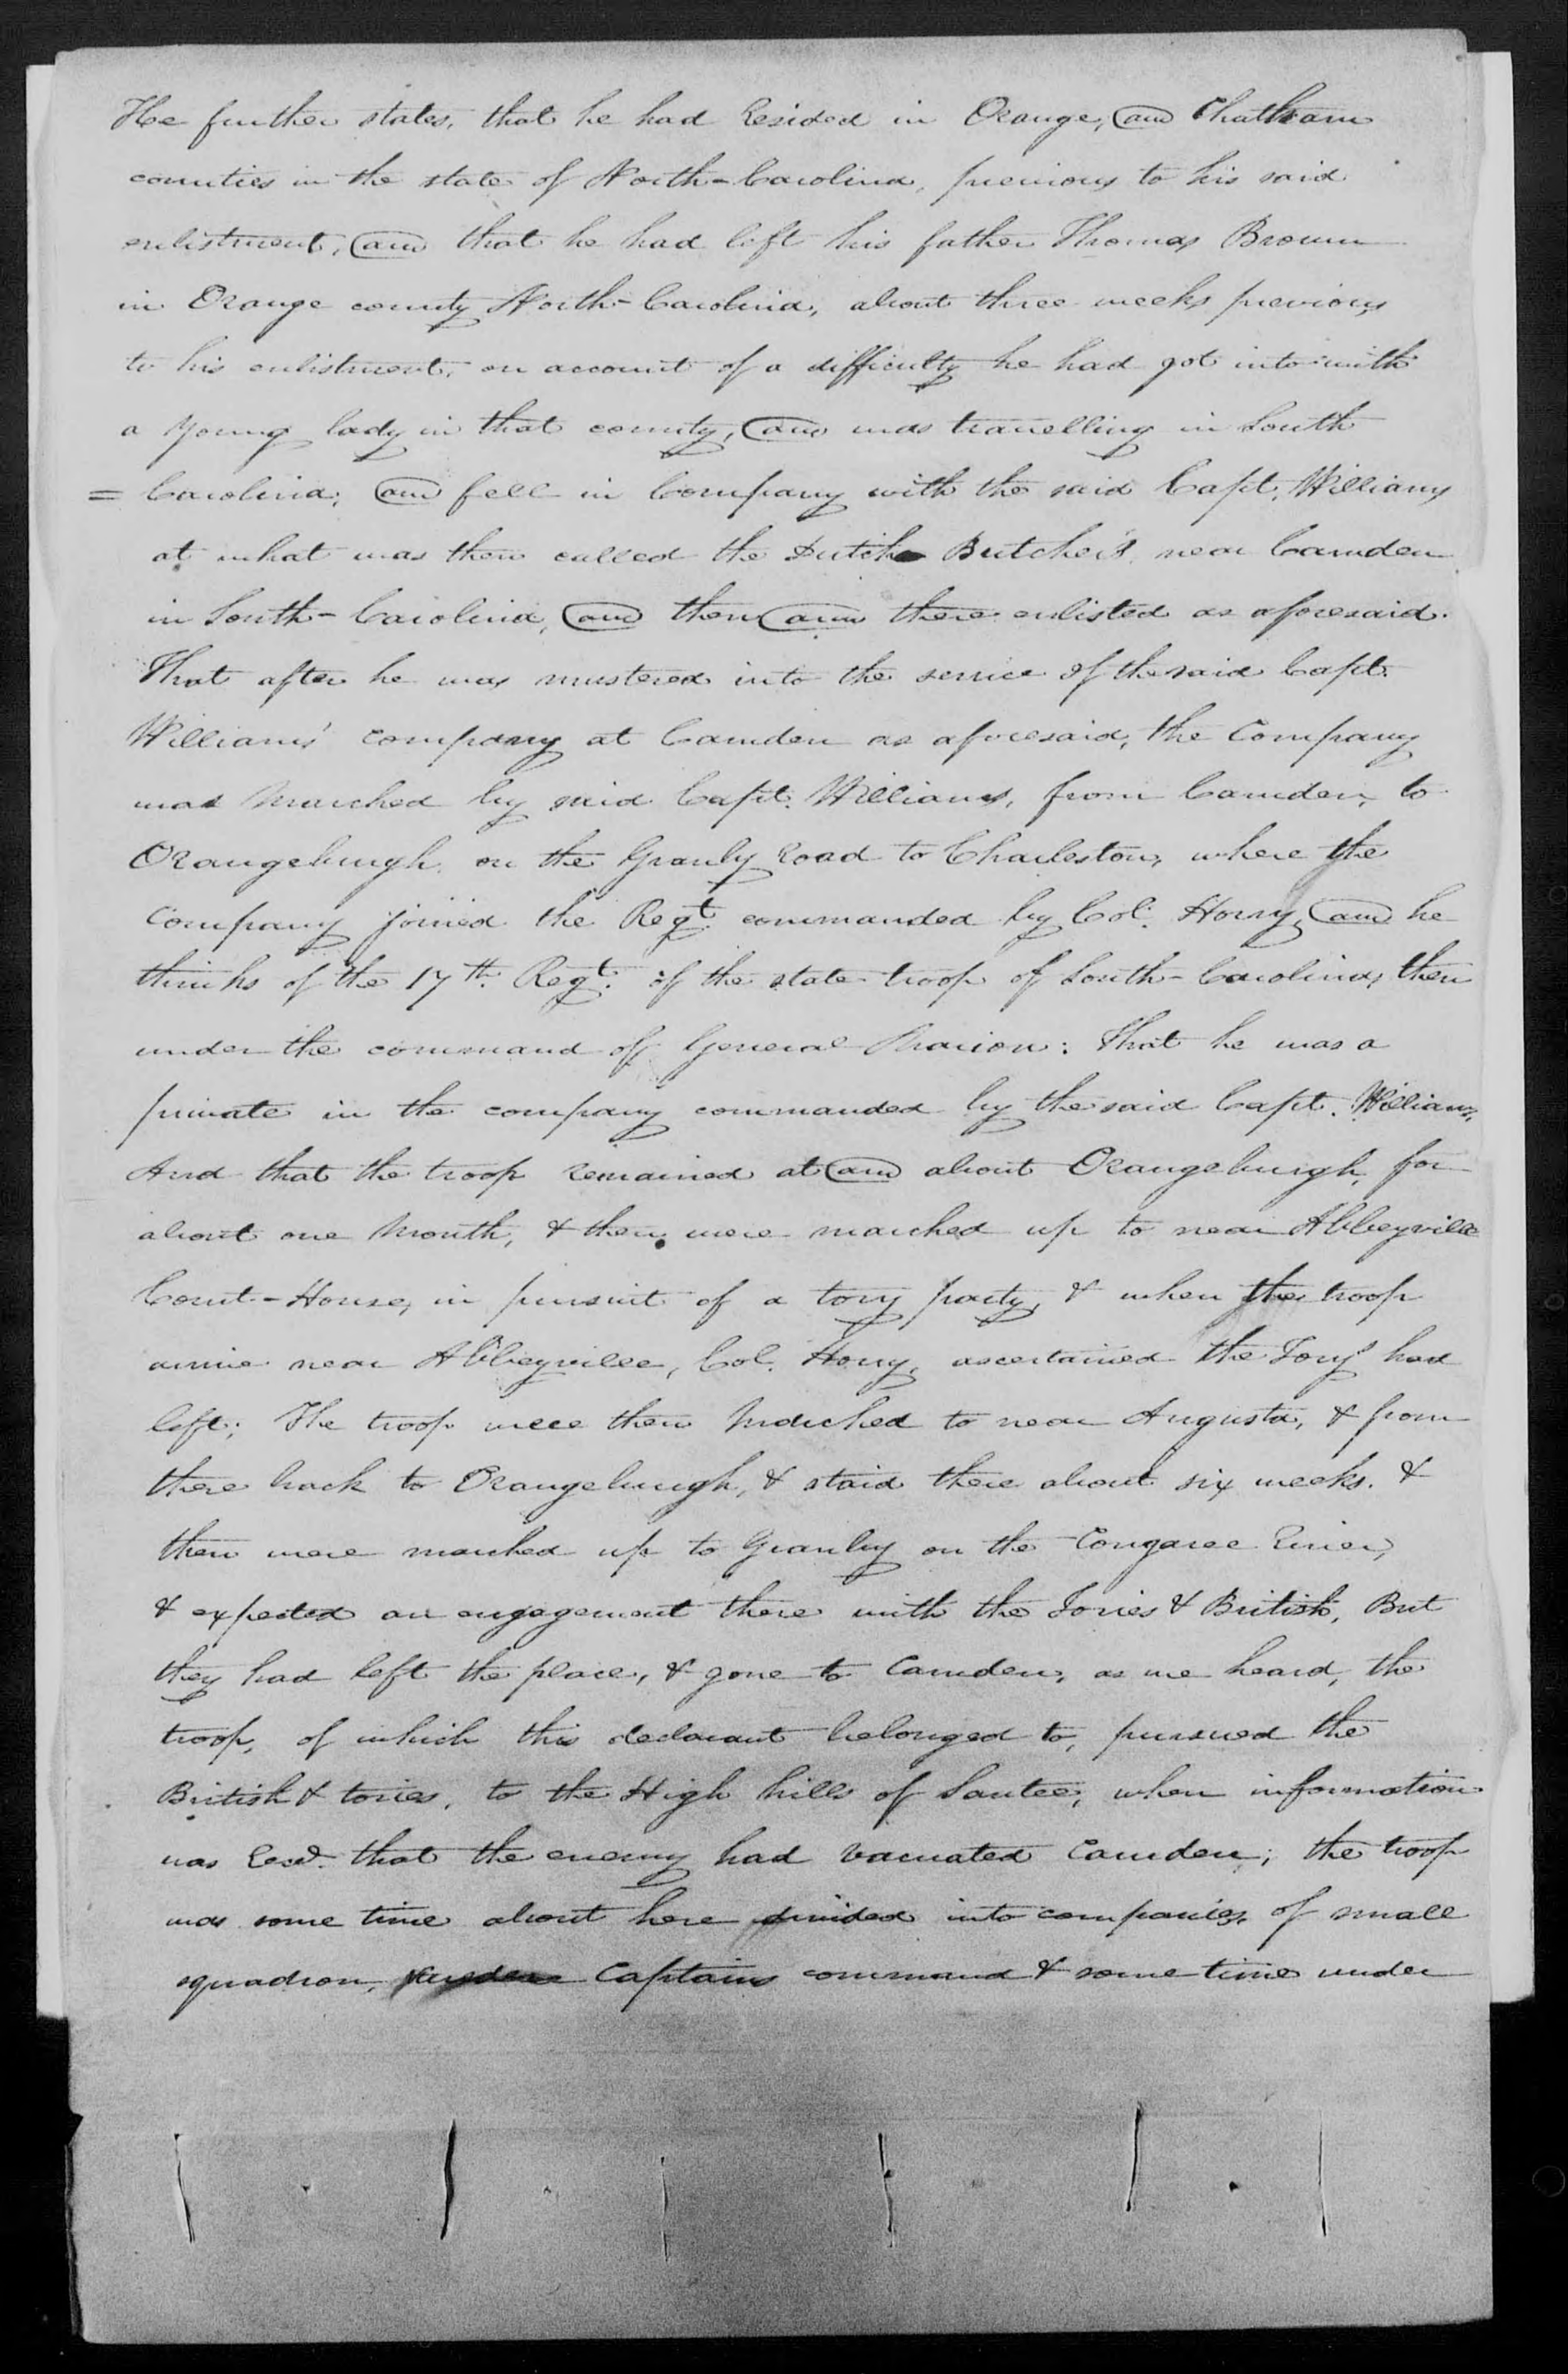he further states, that he had resided in Orange and Chatham counties in the State of North Carolina, previous to his said enlistment, and that he had left his father Thomas Brown
in Orange County North Carolina, about three weeks previous to his enlistment, on account of a difficulty he had got into with a young lady in that county, and was travelling in South Carolina, and fell in company with the said Capt. [John] Williams
at what was then called the Dutch Butchers near Camden in South Carolina, and then and there enlisted as aforesaid.
That after he was mustered into the service of the said Capt Williams Company at Camden as aforesaid, the Company was marched by said Capt. Williams, from Camden to
Orangeburgh [Orangeburg] on the Granby Road to Charleston, where the
company joined the Regt commanded by Col. [Daniel] Horry, and he thinks of the 17th Regt of the state troops of South Carolina, then
under the command of General [Francis] Marion: That he was a
private in the company commanded by the said Capt. William
And that the troops remained at and about Orangeburgh for about one month, & then were marched up to near Abbeyville [Abbeville] Court House, in pursuit of a Tory party, & when the troops arrived near Abbeyville, Col. Horry ascertained the Torys had left; The troops were then marched to near Augusta, & from
there back to Orangeburgh, & staid there about six weeks & then were marched up to Granby on the Congaree River, & expected an engagement there with the Tories & British, but they had left the place, & gone to Camden, as we heard, the
troop, of which this declarant belonged to pursued the British & Tories, to the high hills of Santee, when information was read that the enemy had vacuated [vacated] Camden, the troop was some time about here divided into companies of small squadron, under Captains command & some time under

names: Williams, Horry, Williams, Horry, Thomas Brown, Williams, Williams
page: 4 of 41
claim: rejected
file: R. 1309, James Brown, S.C.